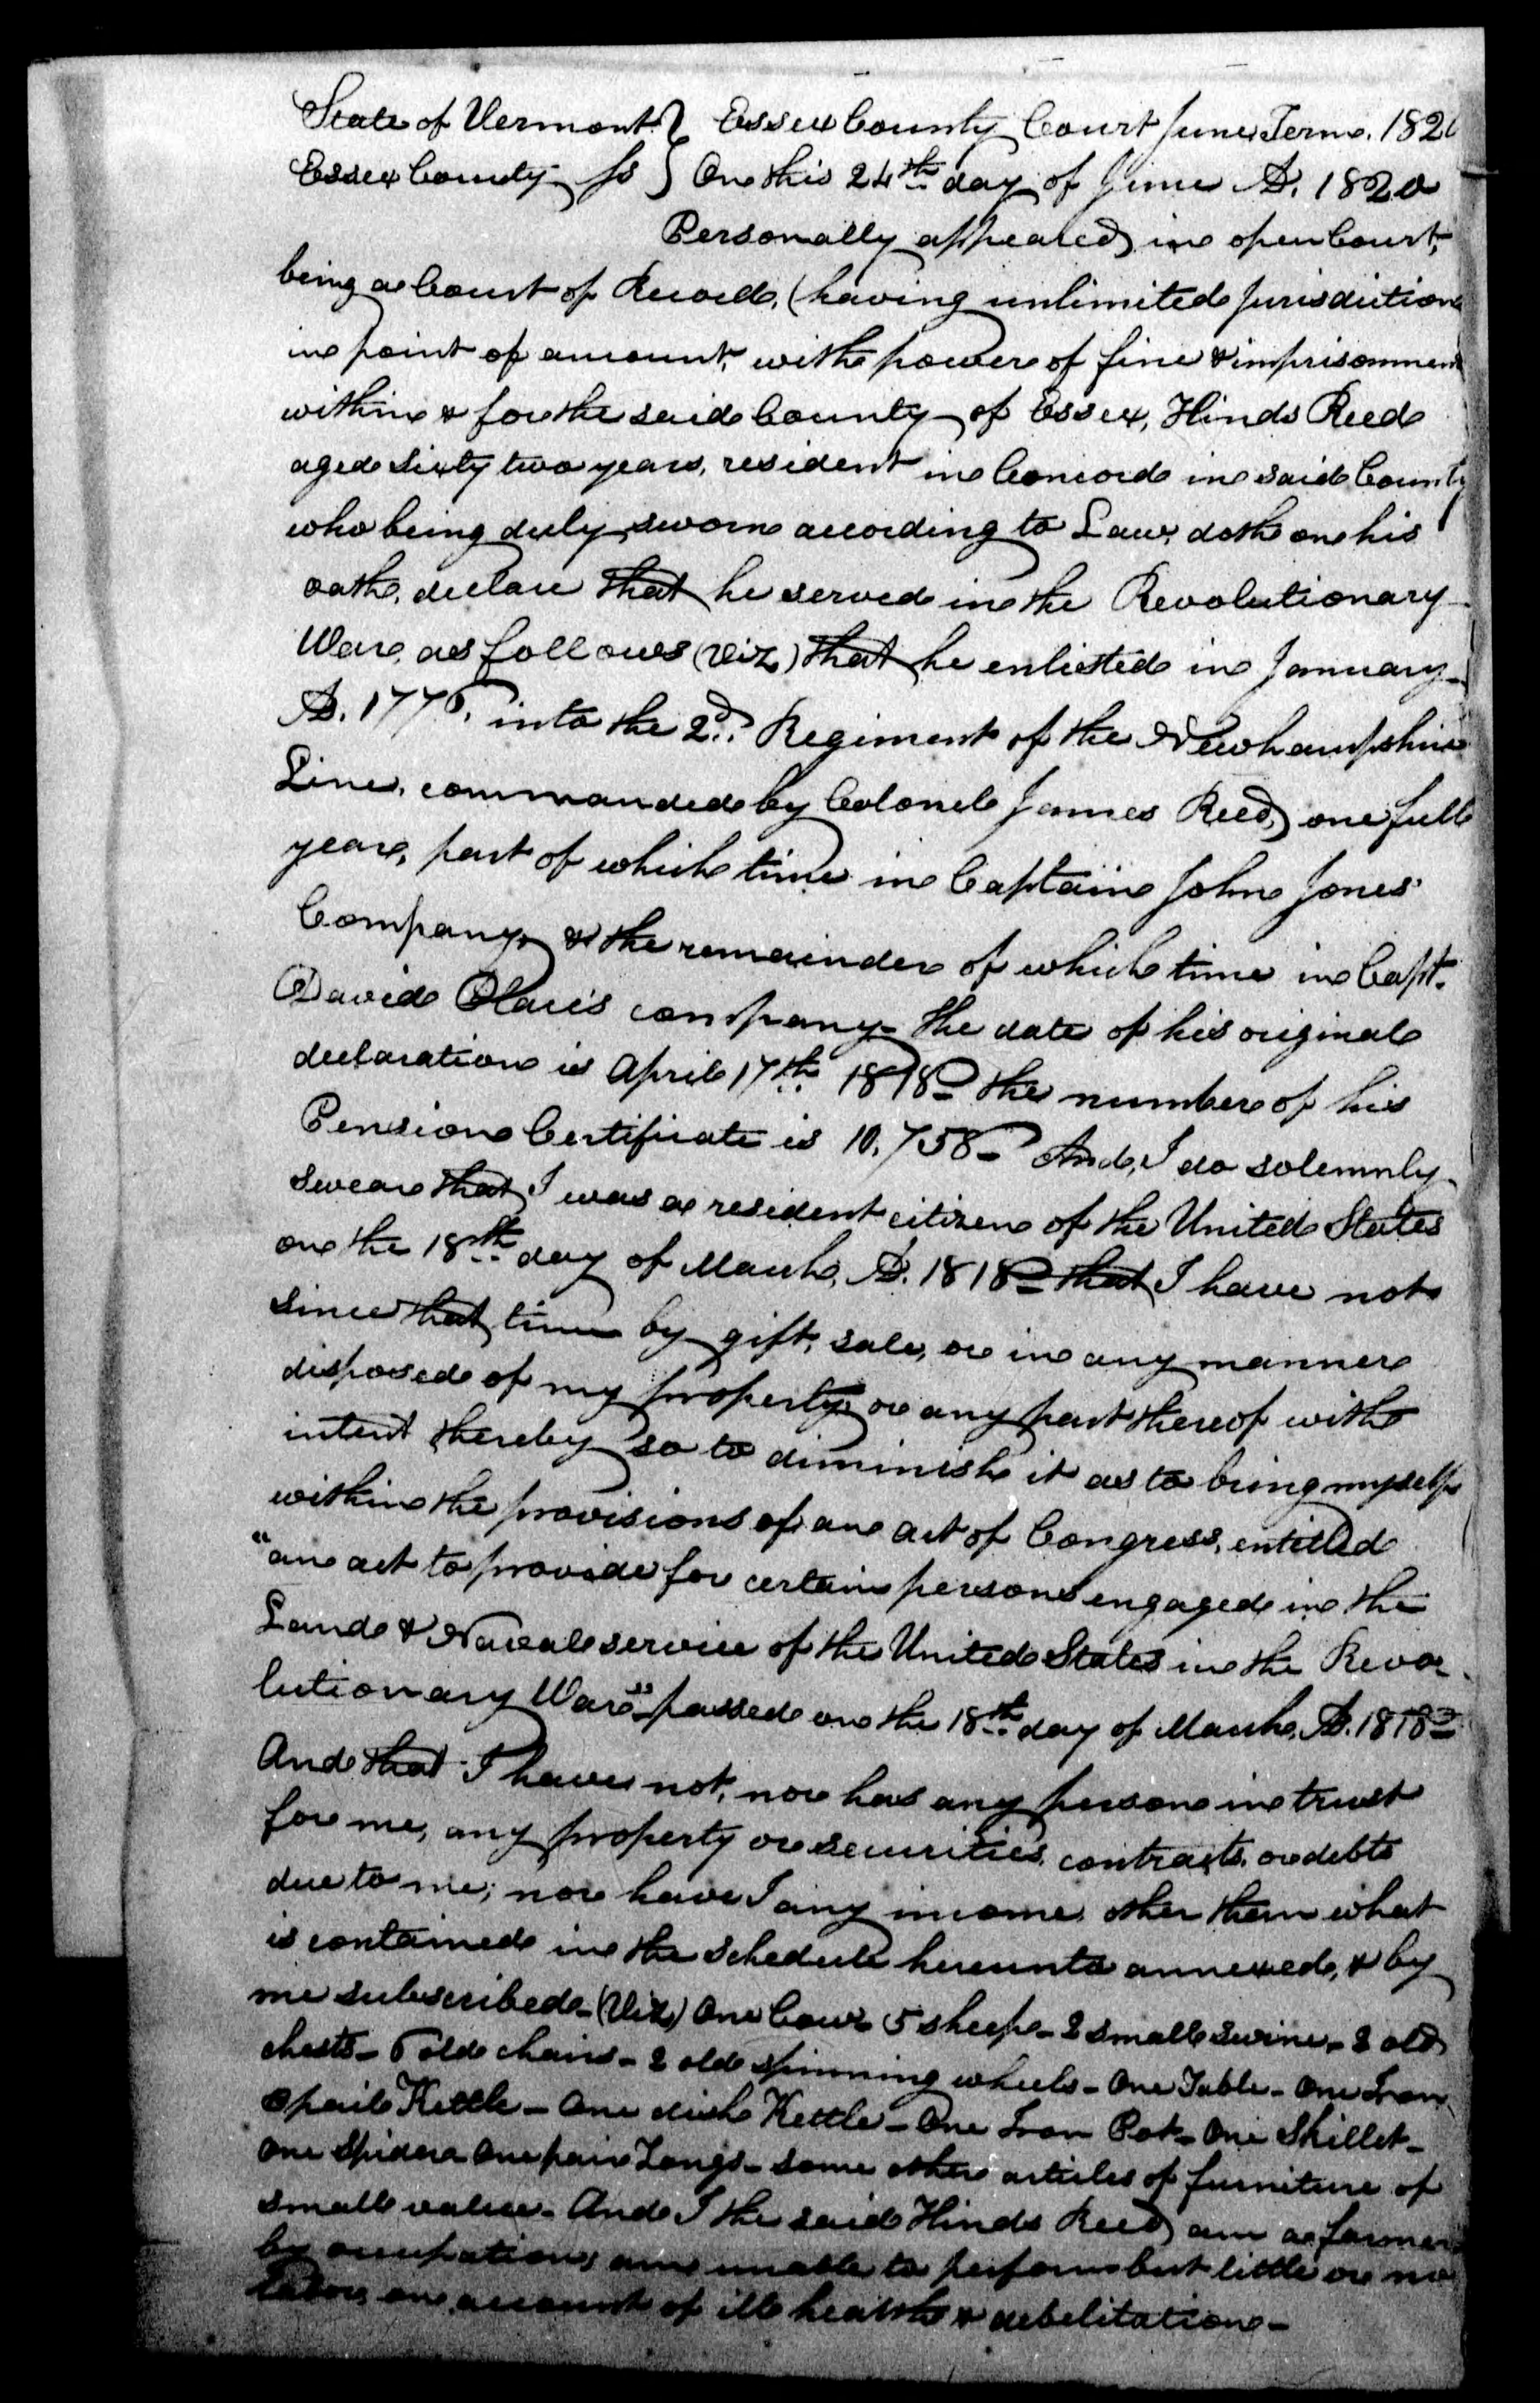State of Vermont Essex County Court June Term 1820
Essex County  On this 24th day of June AD. 1820
Personally appeared in open Court,
being a Court of Record, (having unlimited Jurisdiction
in point of amount with power of fine & imprisonment
within & for the said County of Essex, Hinds Reed
aged sixty two years, resident in Concord in said County
who being duly sworn according to Law, doth on his
oath declare that he served in the Revolutionary War
as follows (viz) that he enlisted in January
AD. 1776, into the 2d Regiment of the Newhampshire
Line, commanded by Colonel James Reed, one full
year, part of which time in Captain John Jones
Company & the remainder of which time in Capt.
David Place's company. The date of his original
declaration in April 17th 1818 the number of his
Pension Certificate is 10,758. And I do solemnly
swear that I was a resident citizen of the United States
on the 18th day of March, AD. 1818 that I have not
Since that time
by gift, sale, or in any manner
disposed of my property or any part thereof with
intent thereby so to diminish it as to bring myself
within the provisions of an act of Congress, entitled
an act to provide for certain persons engaged in the
Land & Naval service of the United States in the Revolutionary War passed on the 18th day of March AD. 1818
and that I have not, nor has any person in trust
for me, any property or securities contracts or debts
due to me; nor have I any income other them what
is contained in the schedule hereunto annexed & by
me subscribed-lit) one hour 5 sheep, small swine old
chest old chairs. 2 old spinning wheels. One Table one
pail Kettle one dish Kettle - One Iron Pot One Skillet
one Spider one pair Longs some other articles of furniture of
small value. and the said Hinds Reed is a farmer by
occupations and unable to perform but little or any labor on account of ill health debilitation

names: Hinds Reed; John Jones; James Reed; Hinds Reed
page: 7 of 19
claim: survivor's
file: S 41975, for Hinds Reed, New Hampshire